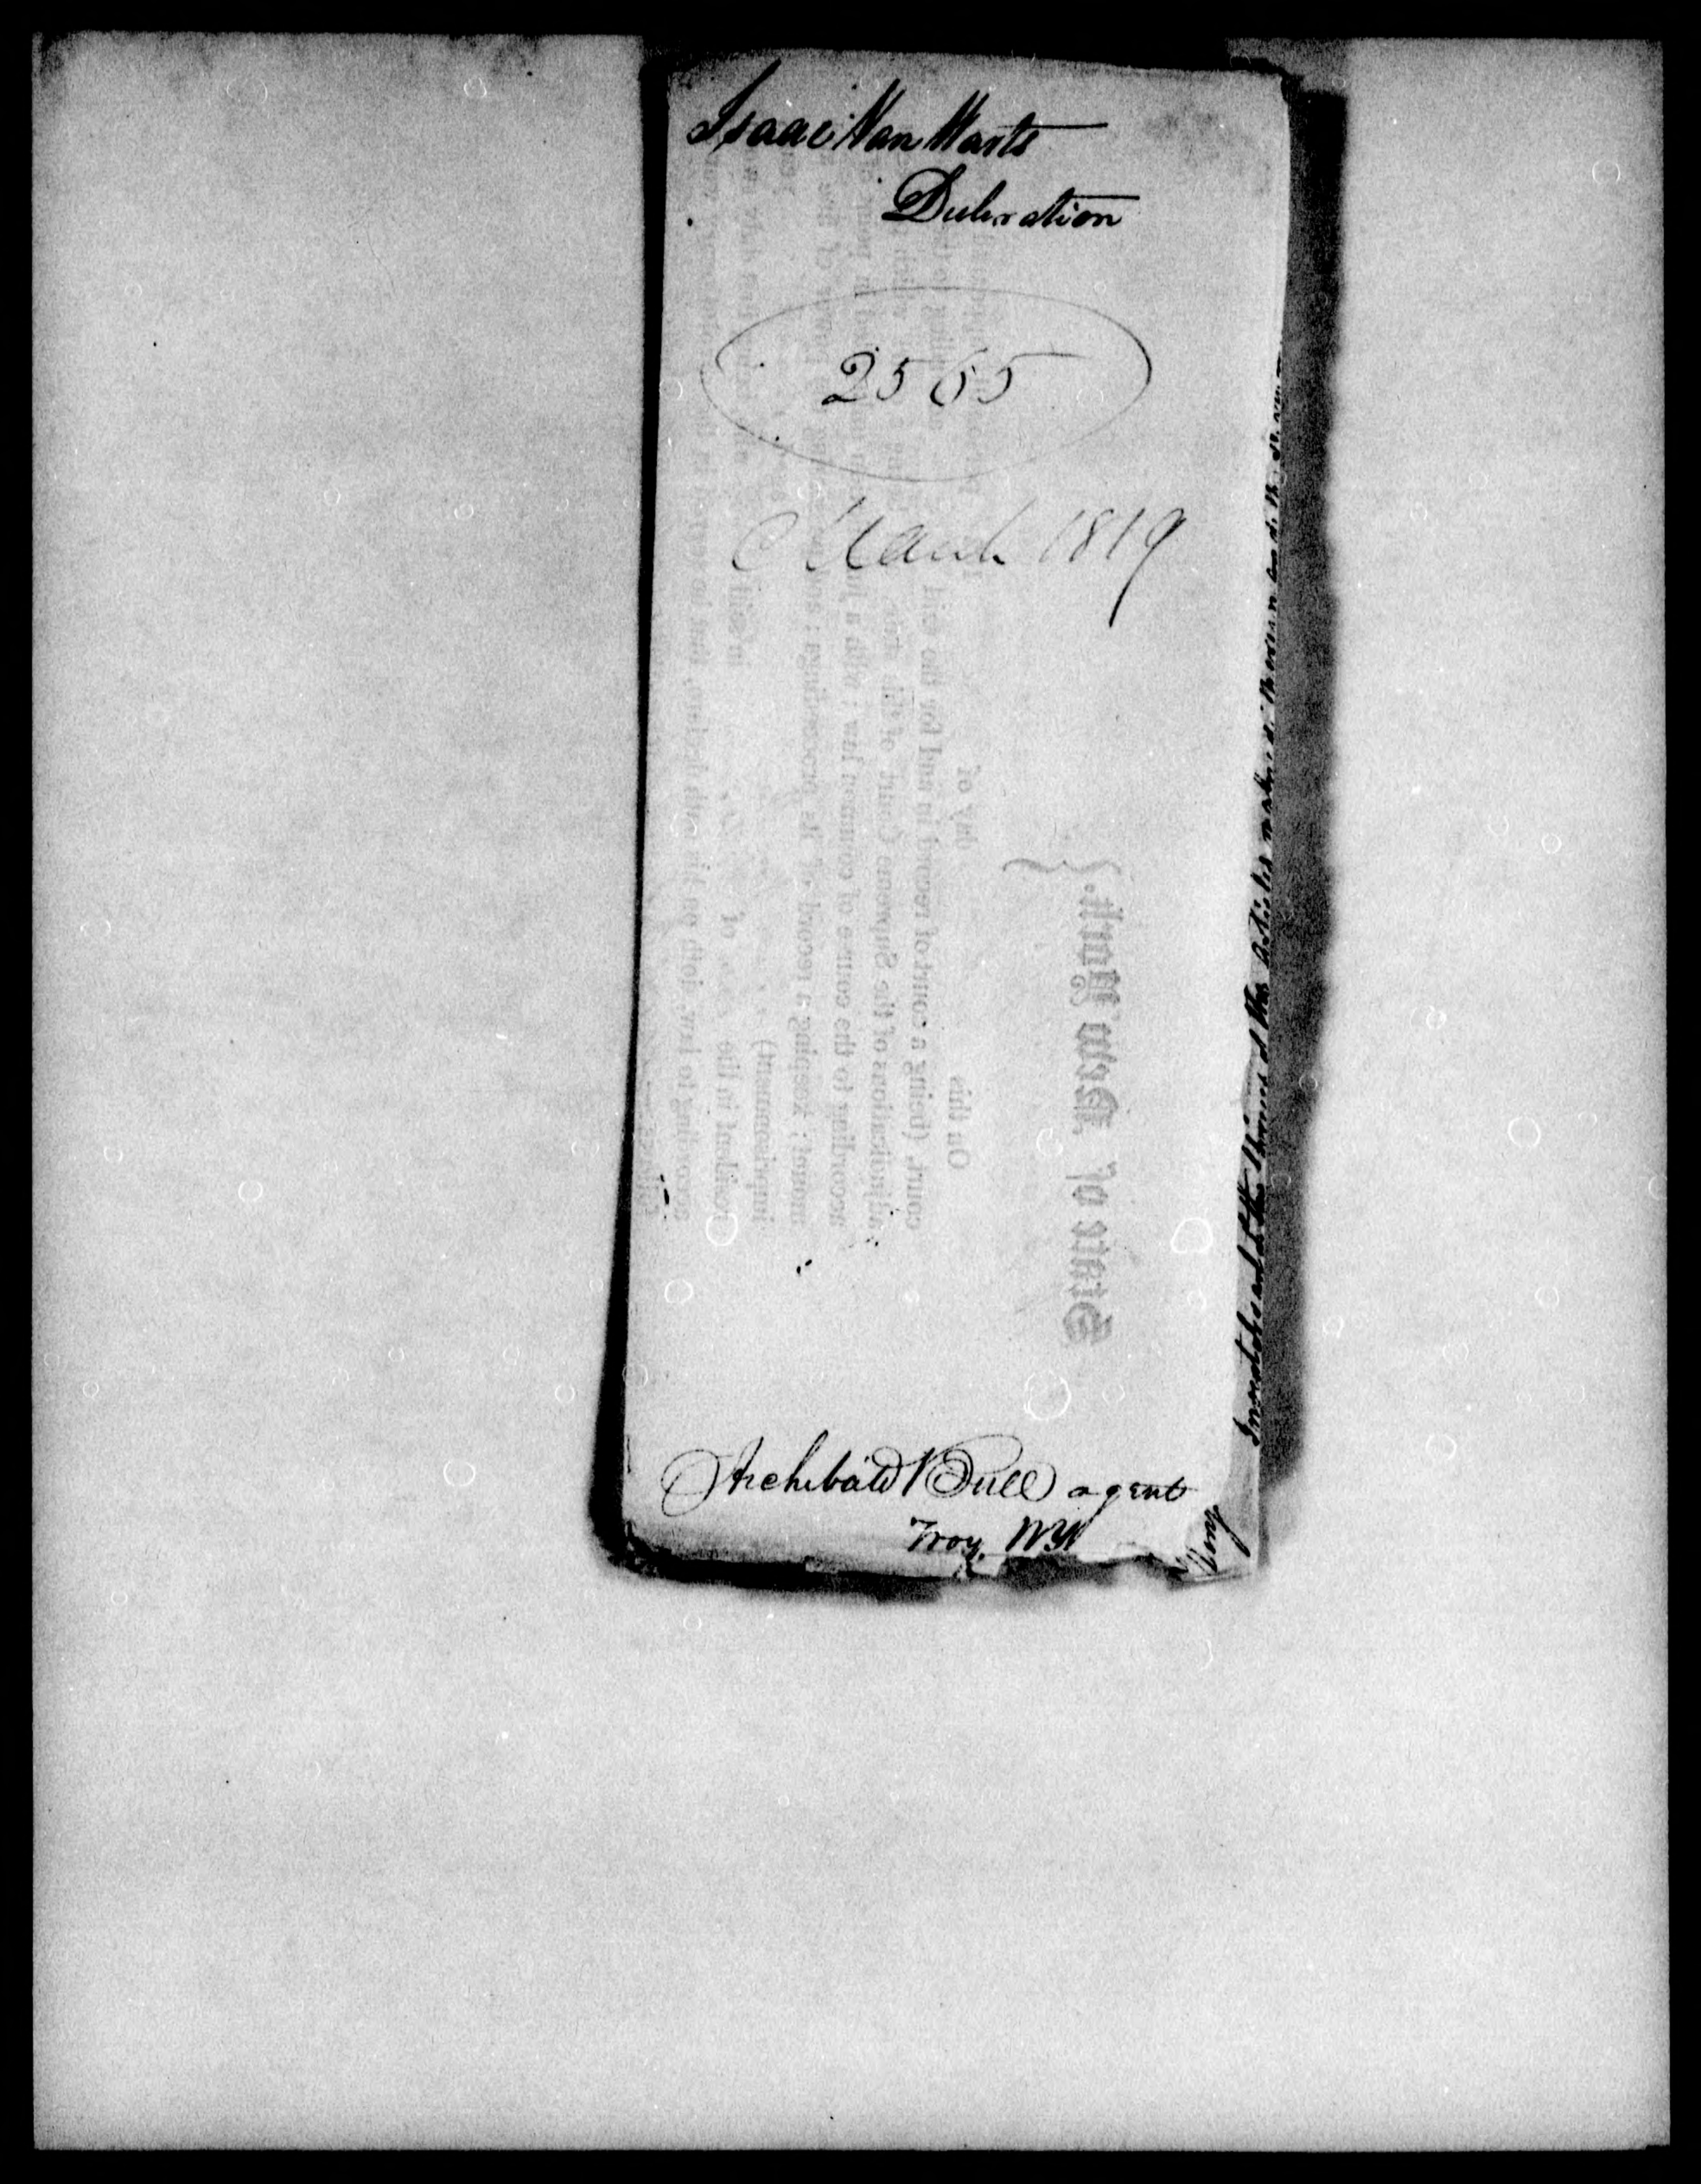Isaac Van Warts
Declaration

2565

March 1819

Archibald Bull agent
Troy, NY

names: Isaac Van Warts, Archibald Bull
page: 7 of 102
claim: widow's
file: W. 18239, Isaac Van Wart, New York